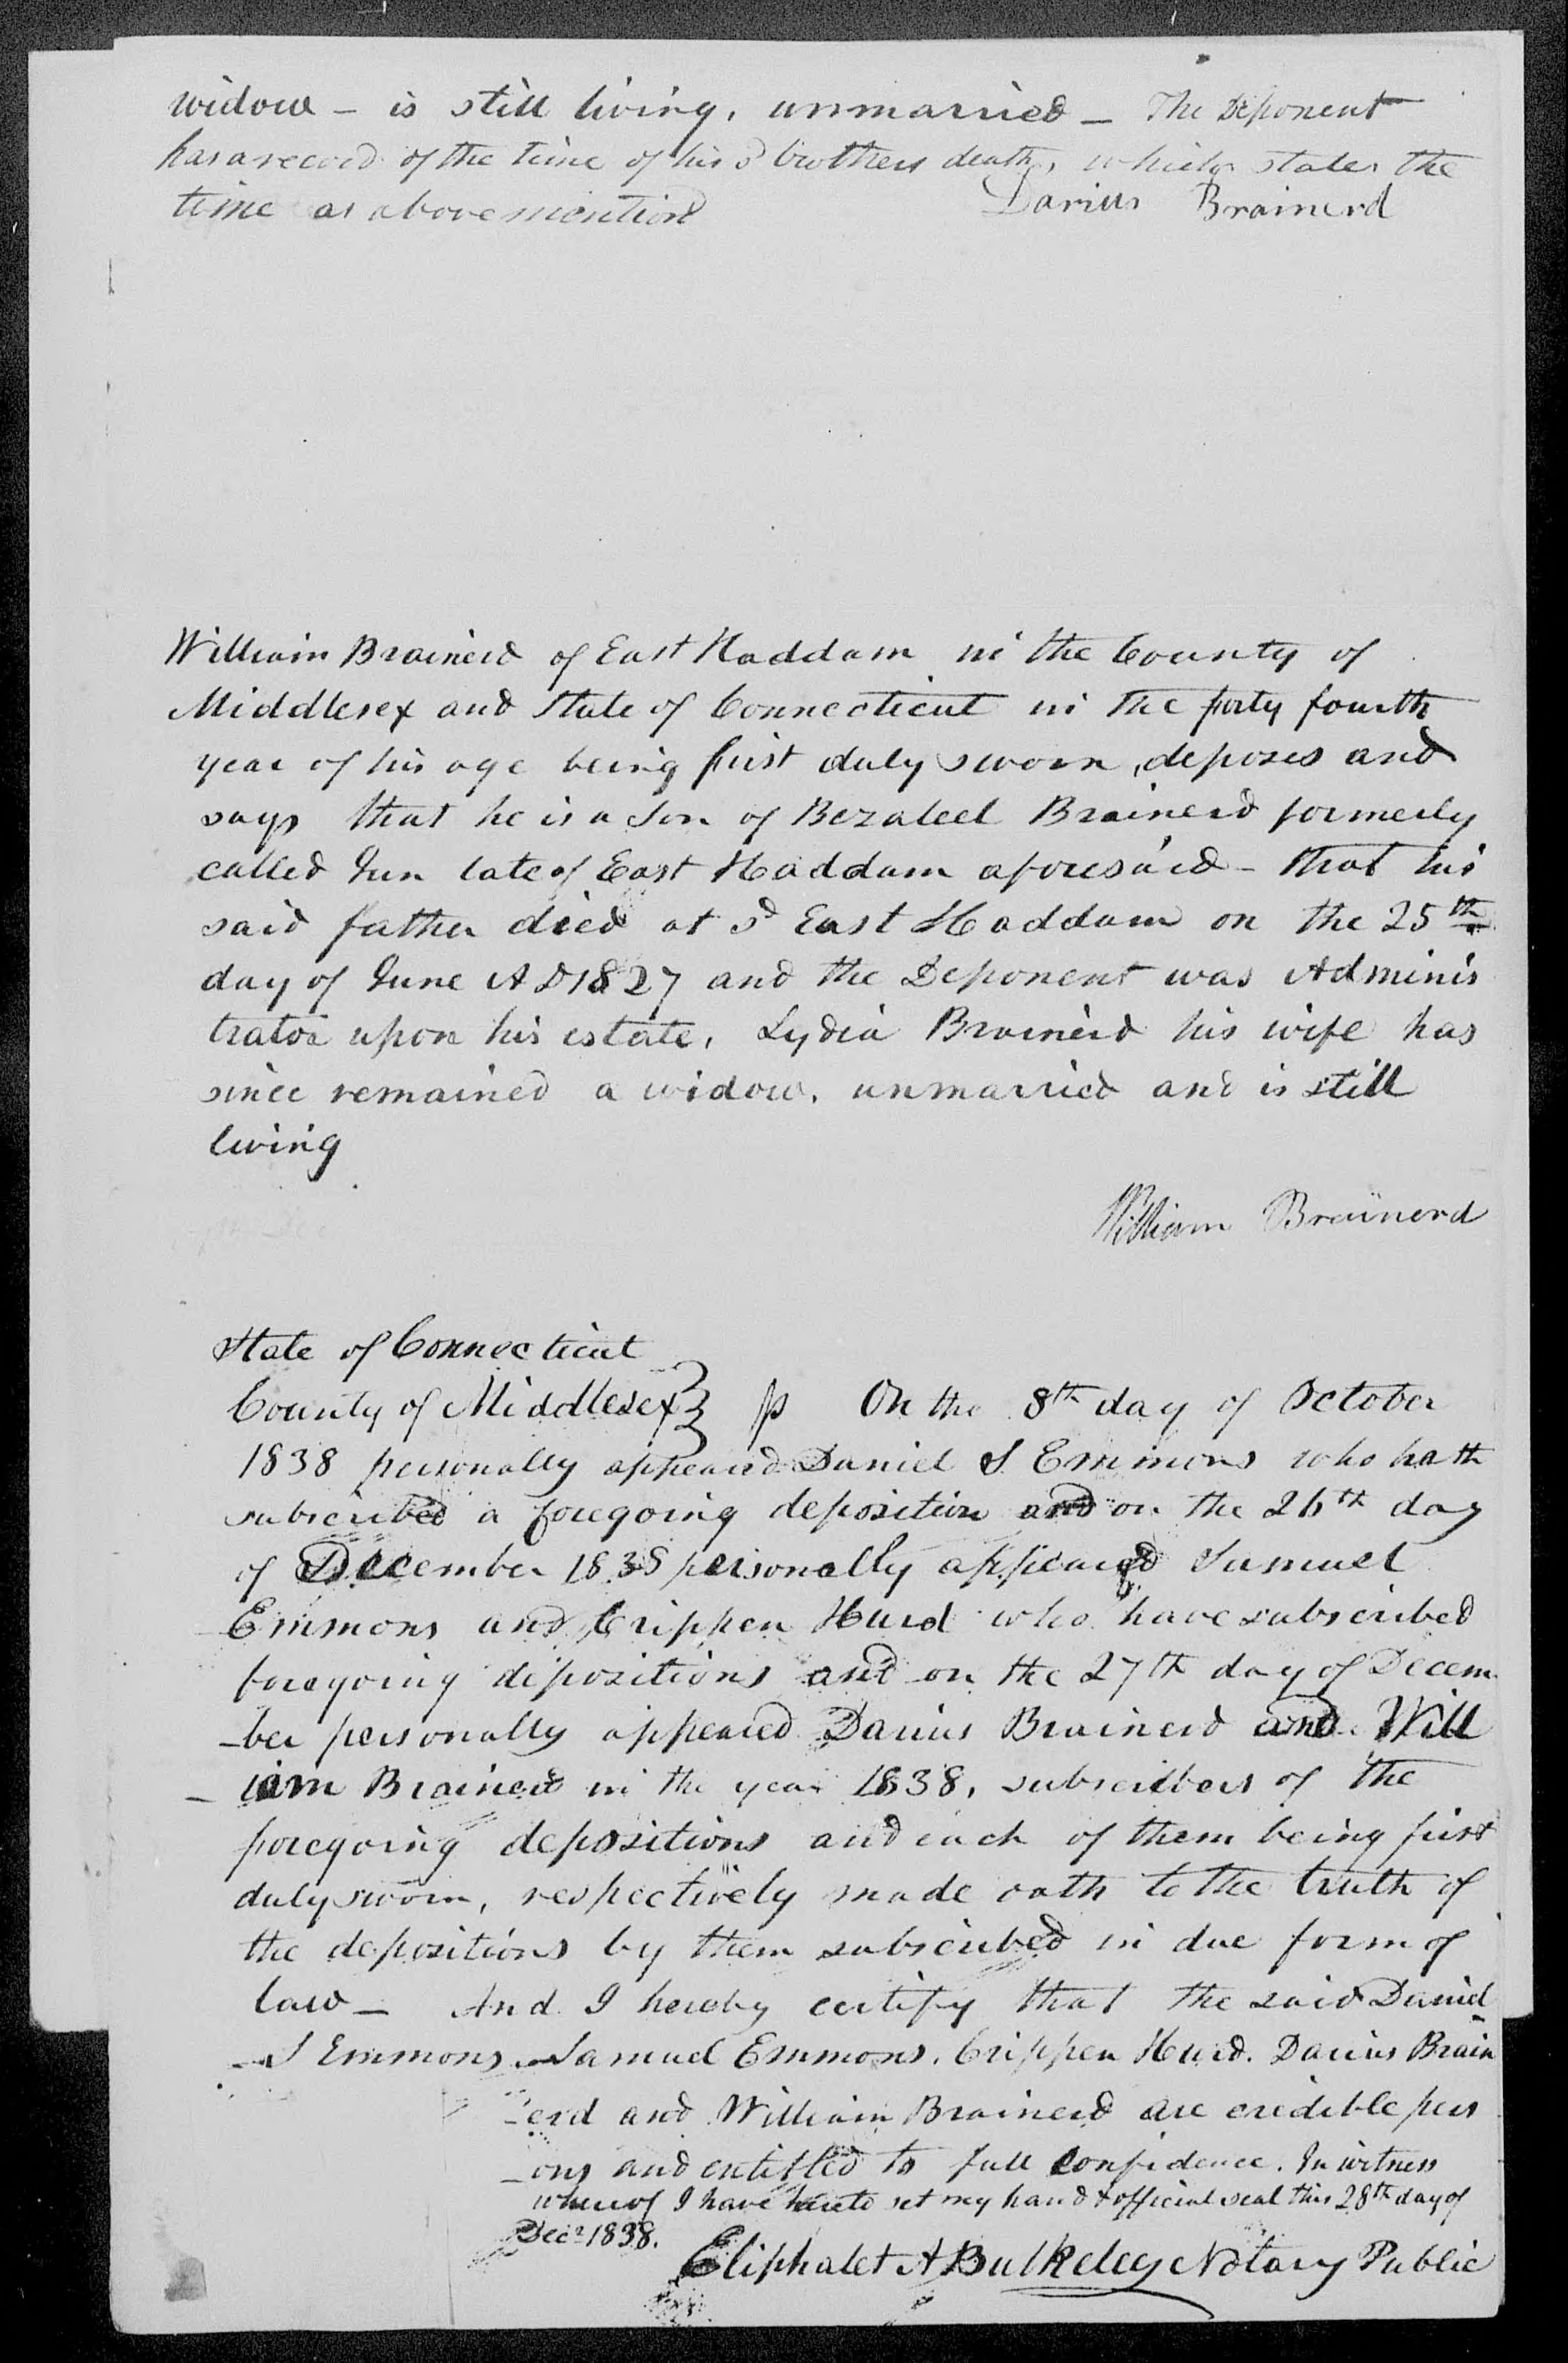widow - is still living, unmarried - The deponent has a record of the time of his brothers death, which state the time as above mention
[signature] Darius Brainerd

William Brainerd of East Haddam in the County of Middlesex and State of Connecticut in the forty fourth year of his age being first duly sworn deposes and says that he is a son of Bezaleel Brainerd formerly called Jun late of East Haddam aforesaid - that his said father died at s'd East Haddam on the 25th day of June AD 1827 and the Deponent was Administrator upon his estate, Lydia Brainerd his wife has since remained a widow, unmarried and is still living
[signature] William Brainard

State of Connecticut}
County of Middlesex} SS On the 8th day of October 1838 personally appeared Daniel S. Emmons who hath subscribed a foregoing deposition and on the 26th day of December 1838 personally appeared Samuel Emmons and Crippen Hurd who have subscribed foregoing depositions and on the 27th day of December personally appeared Darius Brainerd and William Brainerd in the year 1838, subscribers of the foregoing depositions and each of them being first duly sworn, respectively made oath to the truth of the depositions by them subscribed in due form of law - And I hereby certify that the said Daniel S Emmons, Samuel Emmons, Crippen Hurd, Darius Brainerd and William Brainerd are credible persons and entitled to full confidence. In witness whereof I have hereto set my hand & official seal this 28th day of Decr 1838.
[signature] Eliphalet A Bulkeley Notary Public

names: Darius Brainerd, Lydia Brainerd, Bezaleel Brainerd, Daniel S Emmons, Darius Brainerd, Darius Brainerd, William Brainerd, Crippen Hurd, Samuel Emmons, Samuel Emmons, William Brainerd, William Brainerd, Daniel S Emmons, William Brainerd, Eliphalet A Bulkeley, Crippen Hurd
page: 23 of 25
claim: widow's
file: W. 23,671, Bezaleel Brainard, Conn.